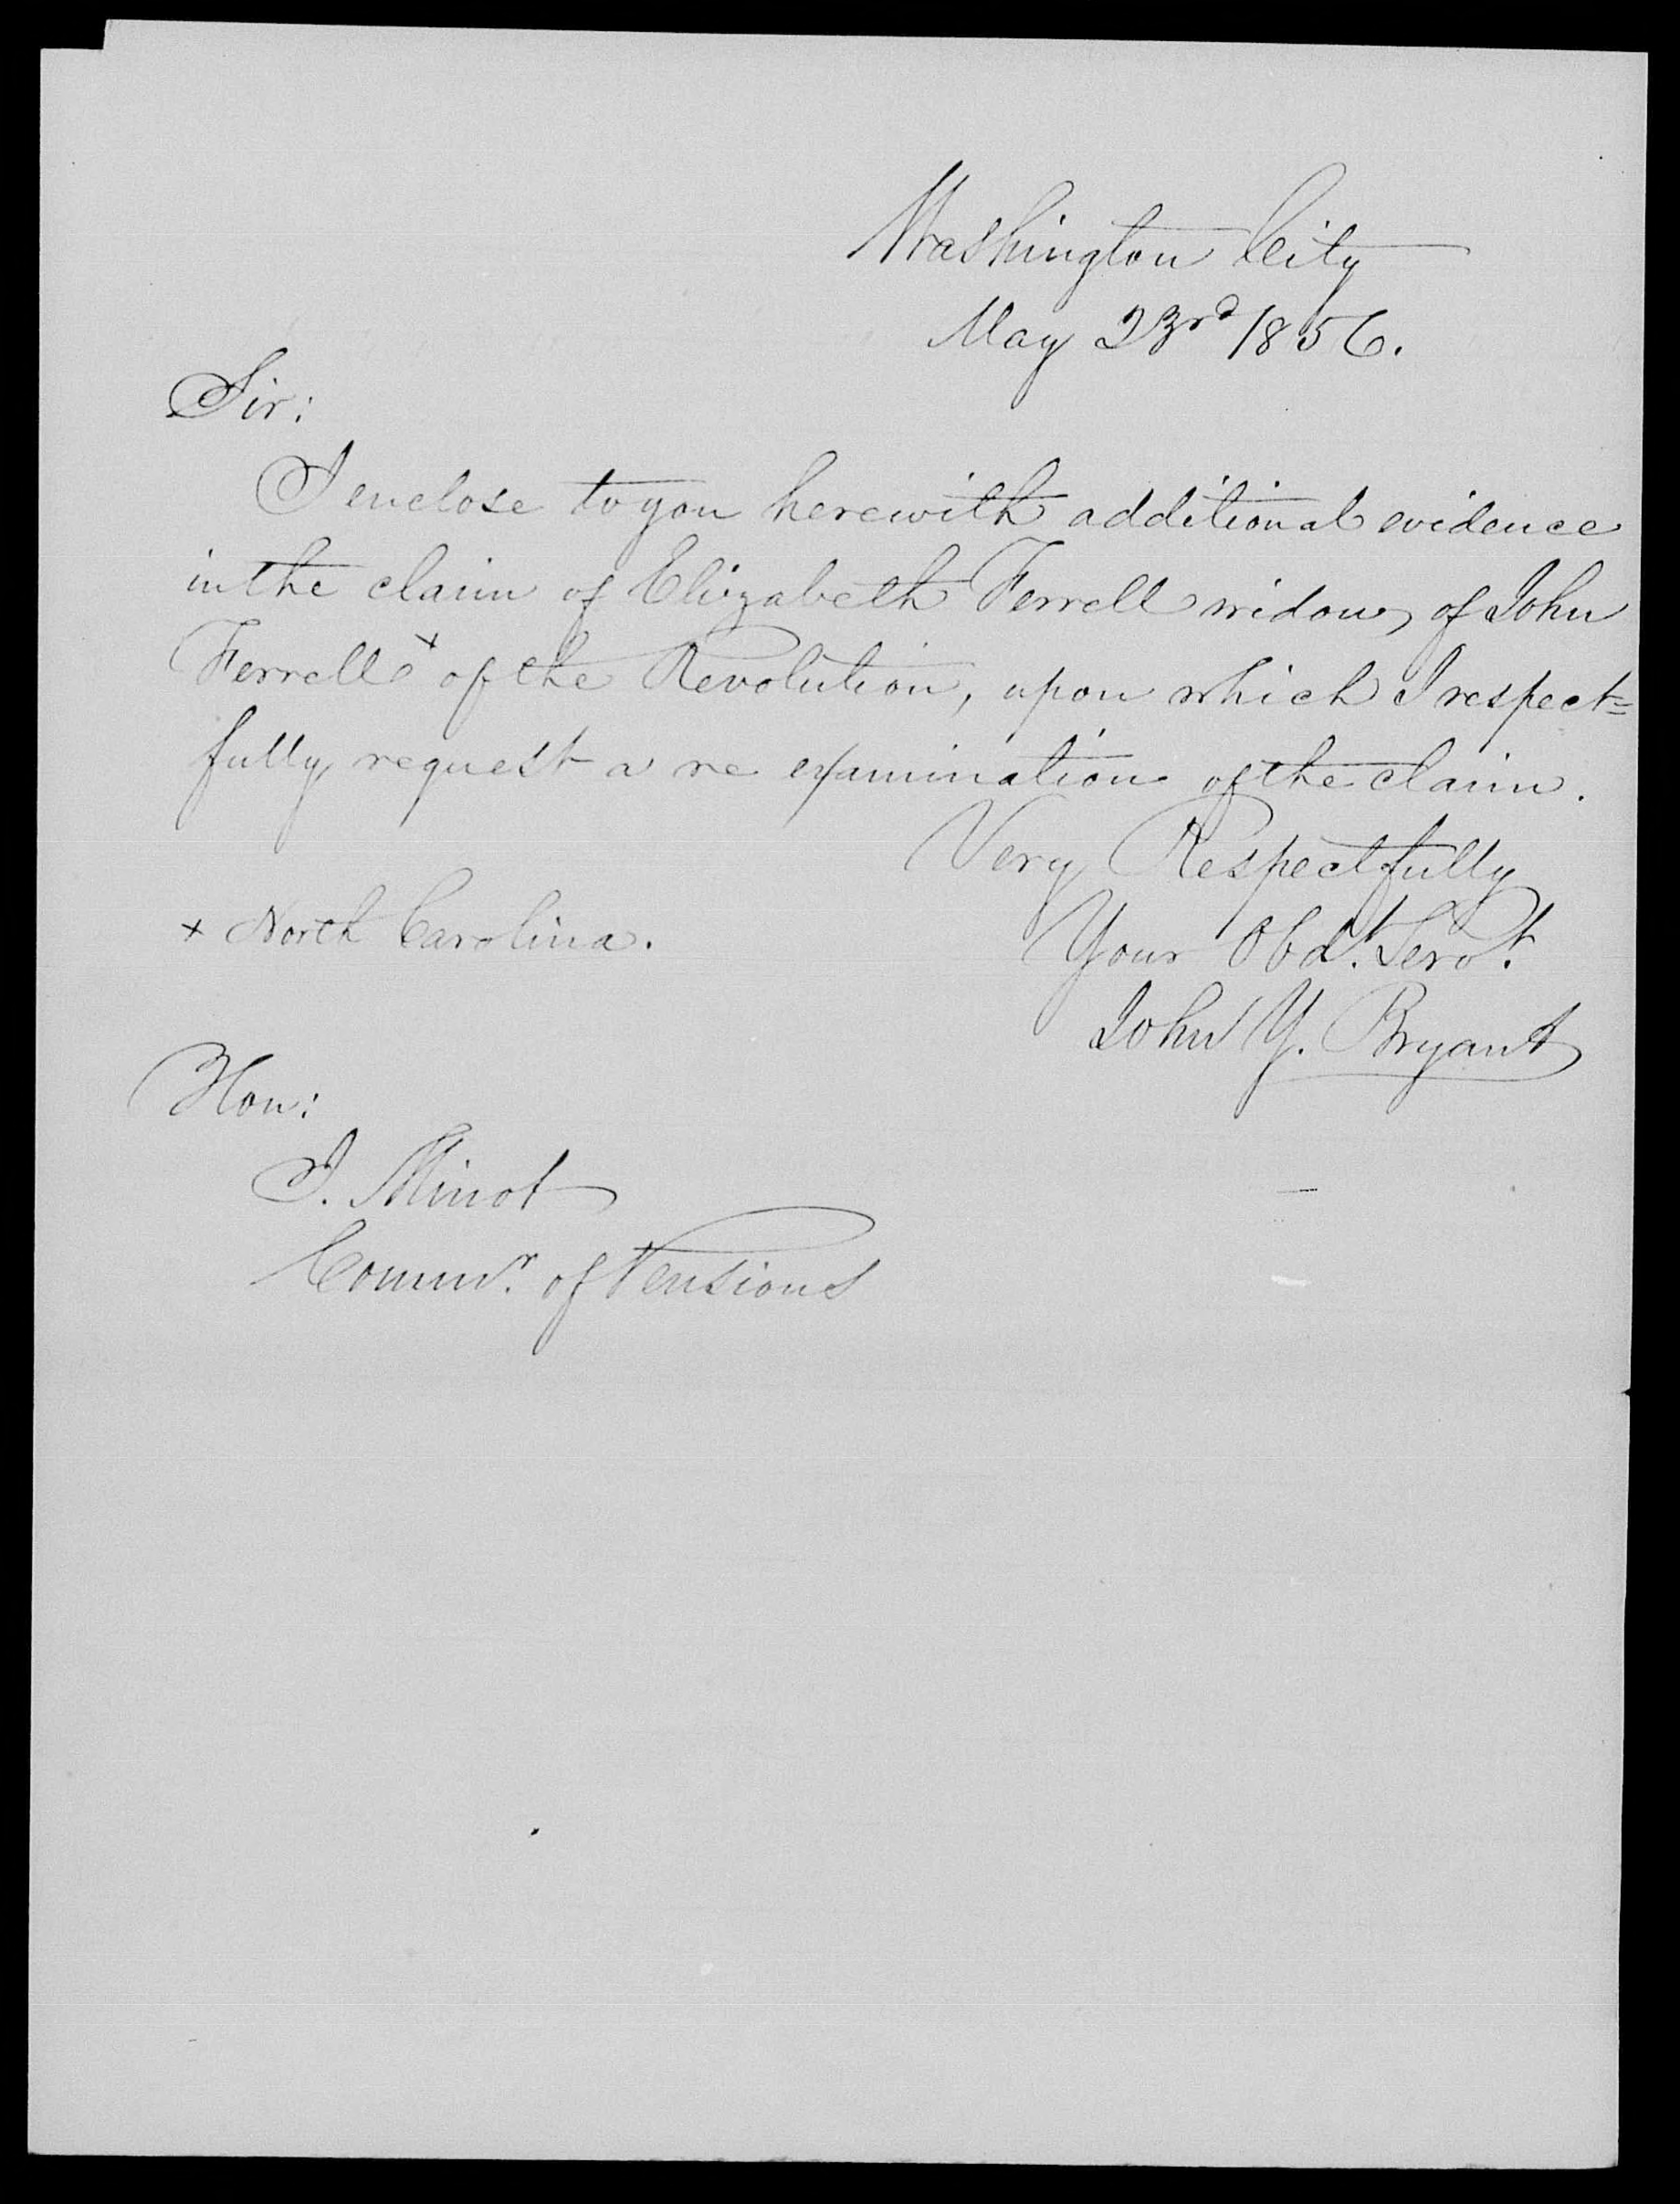Washington City
May 23rd 1856
Sir:
I enclose to you herewith additional evidence in the claim of Elizabeth Ferrell widow of John Ferrell of the  Revolution, upon which I respect fully request a one examination of the claim.
Very Respectfully
Your Obd. Serv.
John Y. Bryant 
X North Carolina.
How:
J. Minot
Comm. of Pensions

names: J Minot, Elizabeth Ferrell, John Ferrell, John Y Bryant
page: 31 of 52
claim: rejected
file: R. 3,512, John Ferrell, N.C.